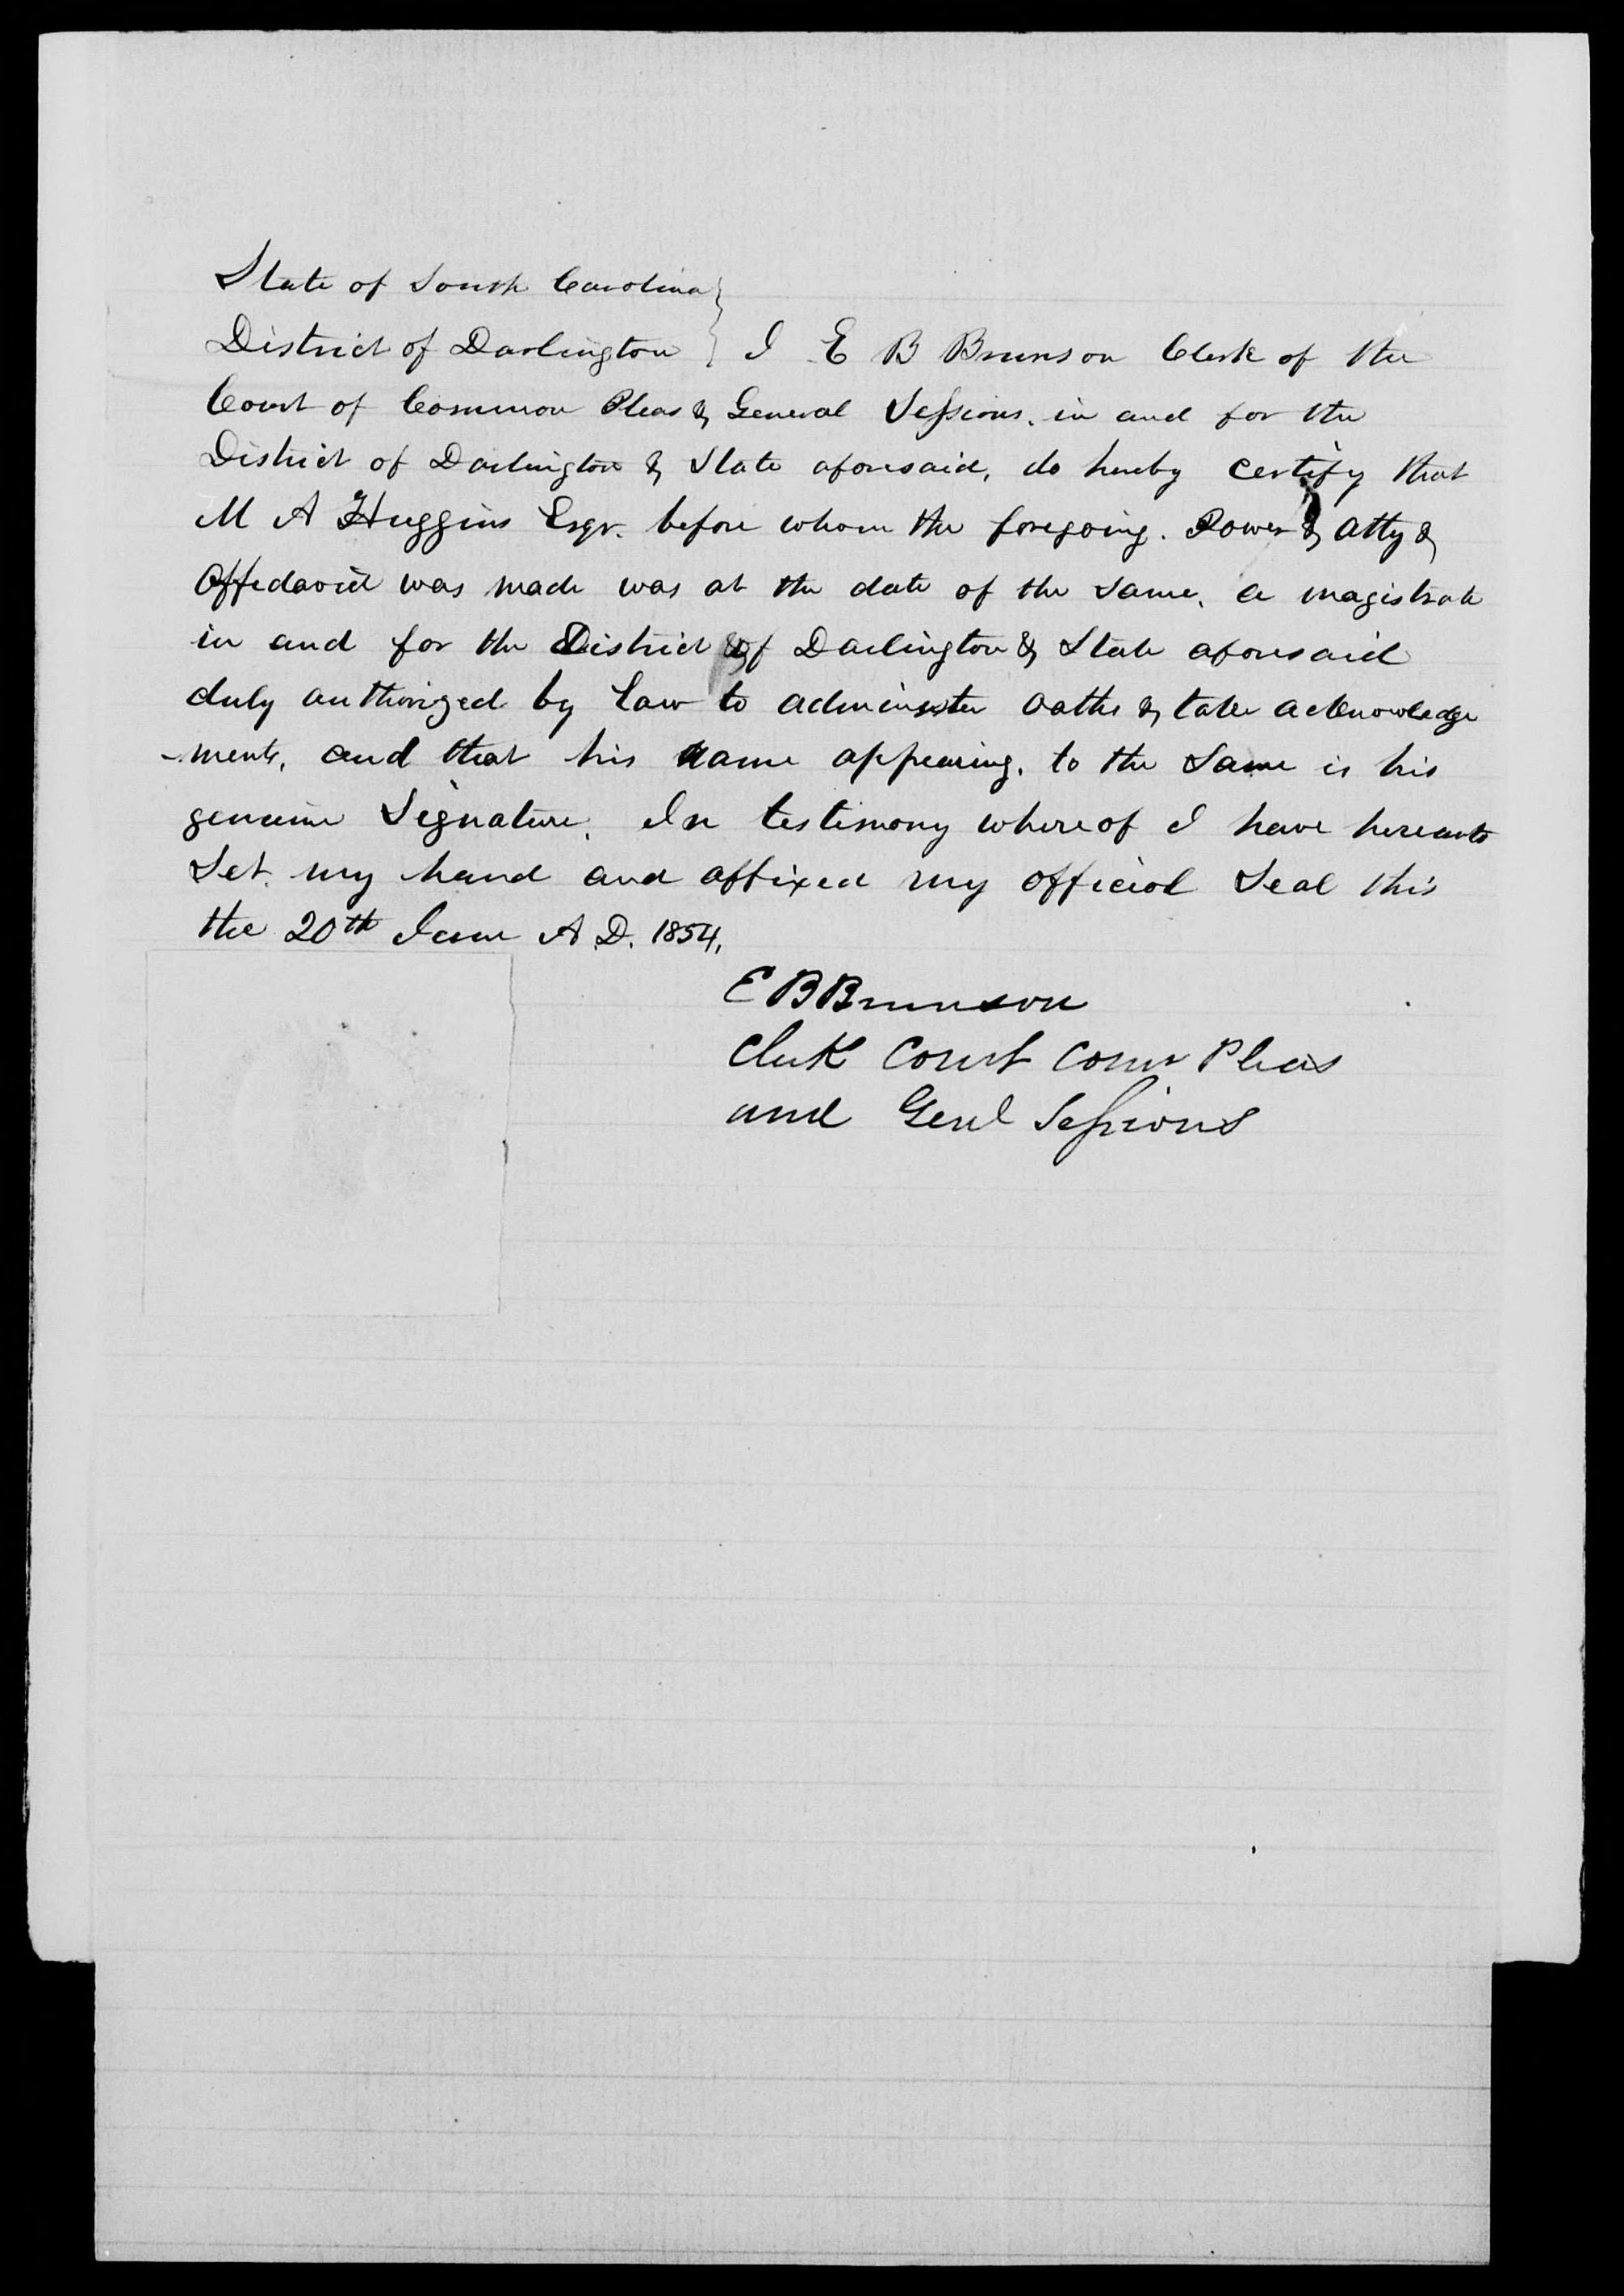State of South Carolina
District of Darlington. I EB Brunson Clerk of the Court of Common Pleas and General Sessions in and for the District of Darlington and State aforesaid, do hereby certify that M A Huggins Esqr before whom the foregoing power of atty and affidavit was made was at the date of the same, a magistrate in and for the District of Darlington & State aforesaid duly authorized by law to administer oaths and take acknowledgement, and that his name appearing to the same is his genuine Signature. In testimony whereof I have hereunto set my hand and affixed my official seal this the 20th June A.D. 1854.

E B Brunson
Clerk Court Comm Pleas
and Genl Sessions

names: E B Brunson, M A Huggins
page: 7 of 33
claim: rejected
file: R. 5334, James Hudson, N.C.